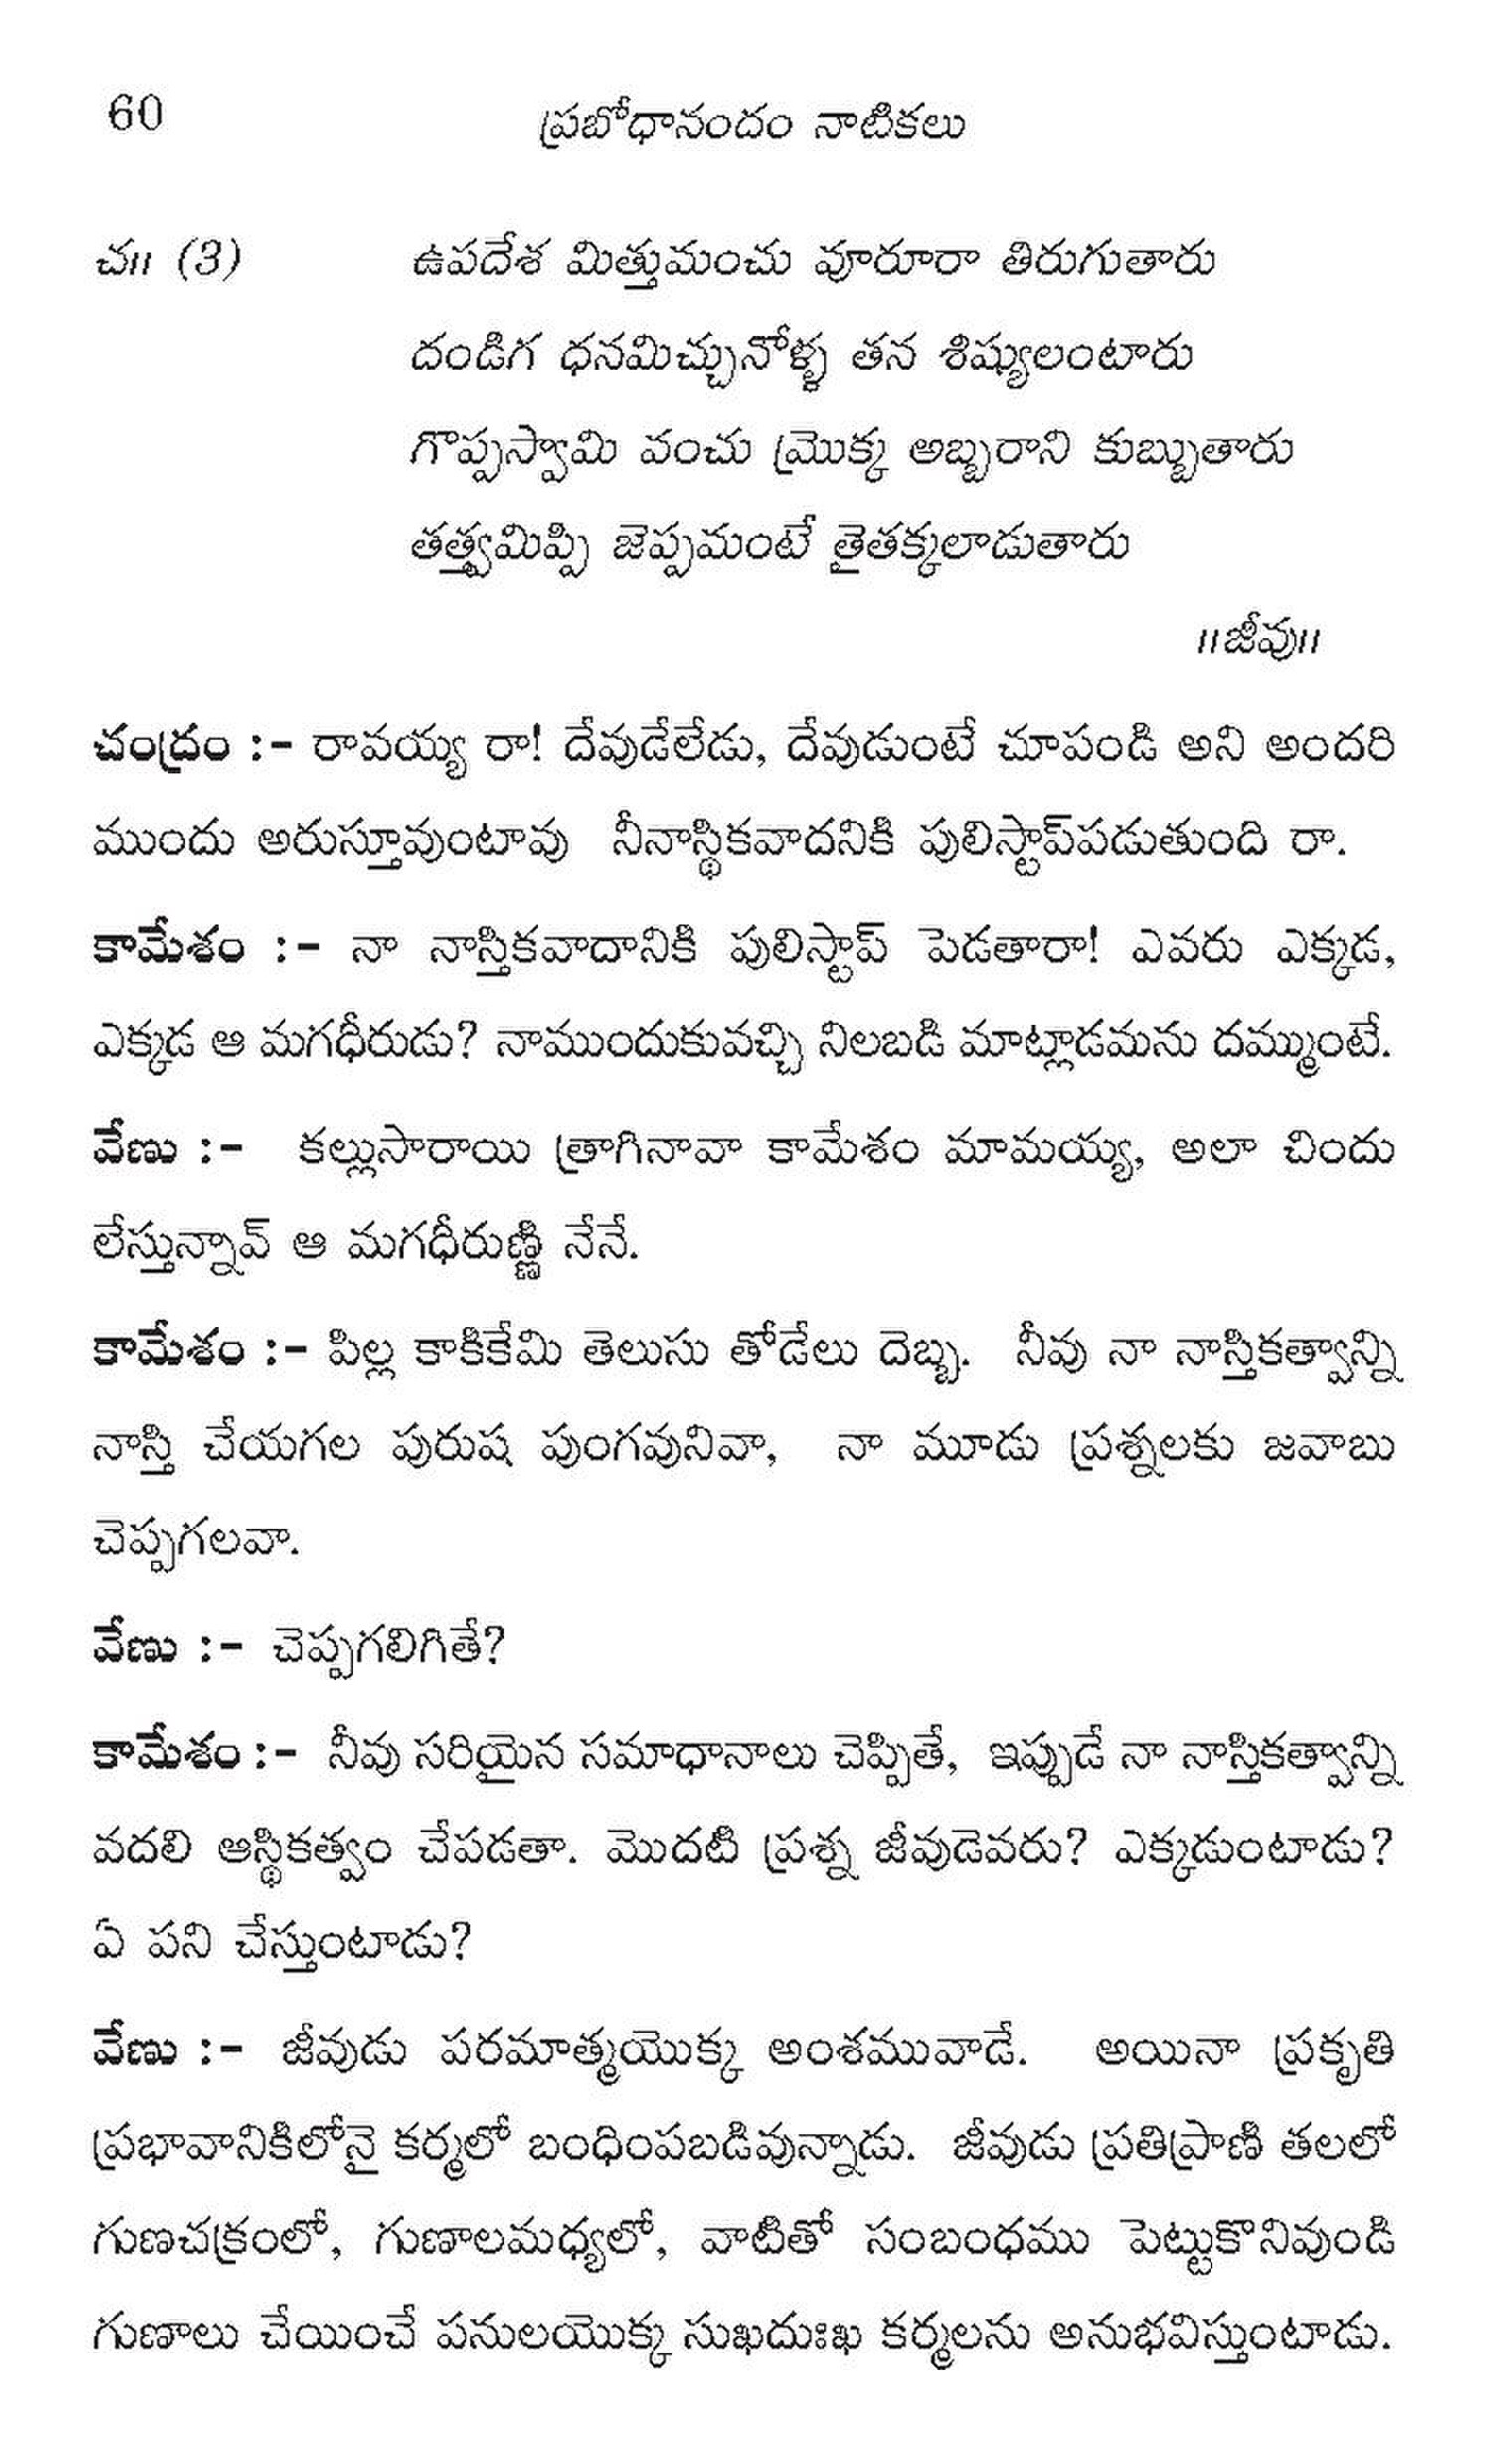చంద్రం :- రావయ్య రా! దేవుడేలేడు, దేవుడుంటే చూపండి అని అందరి ముందు అరుస్తూవుంటావు నీనాస్థికవాదనికి పులిస్టాప్‌పడుతుంది రా.

కామేశం :- నా నాస్తికవాదానికి పులిస్టాప్‌ పెడతారా! ఎవరు ఎక్కడ, ఎక్కడ ఆ మగధీరుడు? నాముందుకువచ్చి నిలబడి మాట్లాడమను దమ్ముంటే.

వేణు :- కల్లుసారాయి త్రాగినావా కామేశం మామయ్య, అలా చిందు లేస్తున్నావ్‌ ఆ మగధీరుణ్ణి నేనే.

కామేశం :- పిల్ల కాకికేమి తెలుసు తోడేలు దెబ్బ. నీవు నా నాస్తికత్వాన్ని నాస్తి చేయగల పురుష పుంగవునివా, నా మూడు ప్రశ్నలకు జవాబు చెప్పగలవా.

వేణు :-	 చెప్పగలిగితే?

కామేశం :- నీవు సరియైన సమాధానాలు చెప్పితే, ఇప్పుడే నా నాస్తికత్వాన్ని వదలి ఆస్థికత్వం చేపడతా. మొదటి ప్రశ్న జీవుడెవరు? ఎక్కడుంటాడు? ఏ పని చేస్తుంటాడు?

వేణు :- జీవుడు పరమాత్మయొక్క అంశమువాడే. అయినా ప్రకృతి ప్రభావానికిలోనై కర్మలో బంధింపబడివున్నాడు. జీవుడు ప్రతిప్రాణి తలలో గుణచక్రంలో, గుణాలమధ్యలో, వాటితో సంబంధము పెట్టుకొనివుండి గుణాలు చేయించే పనులయొక్క సుఖదుఃఖ కర్మలను అనుభవిస్తుంటాడు.